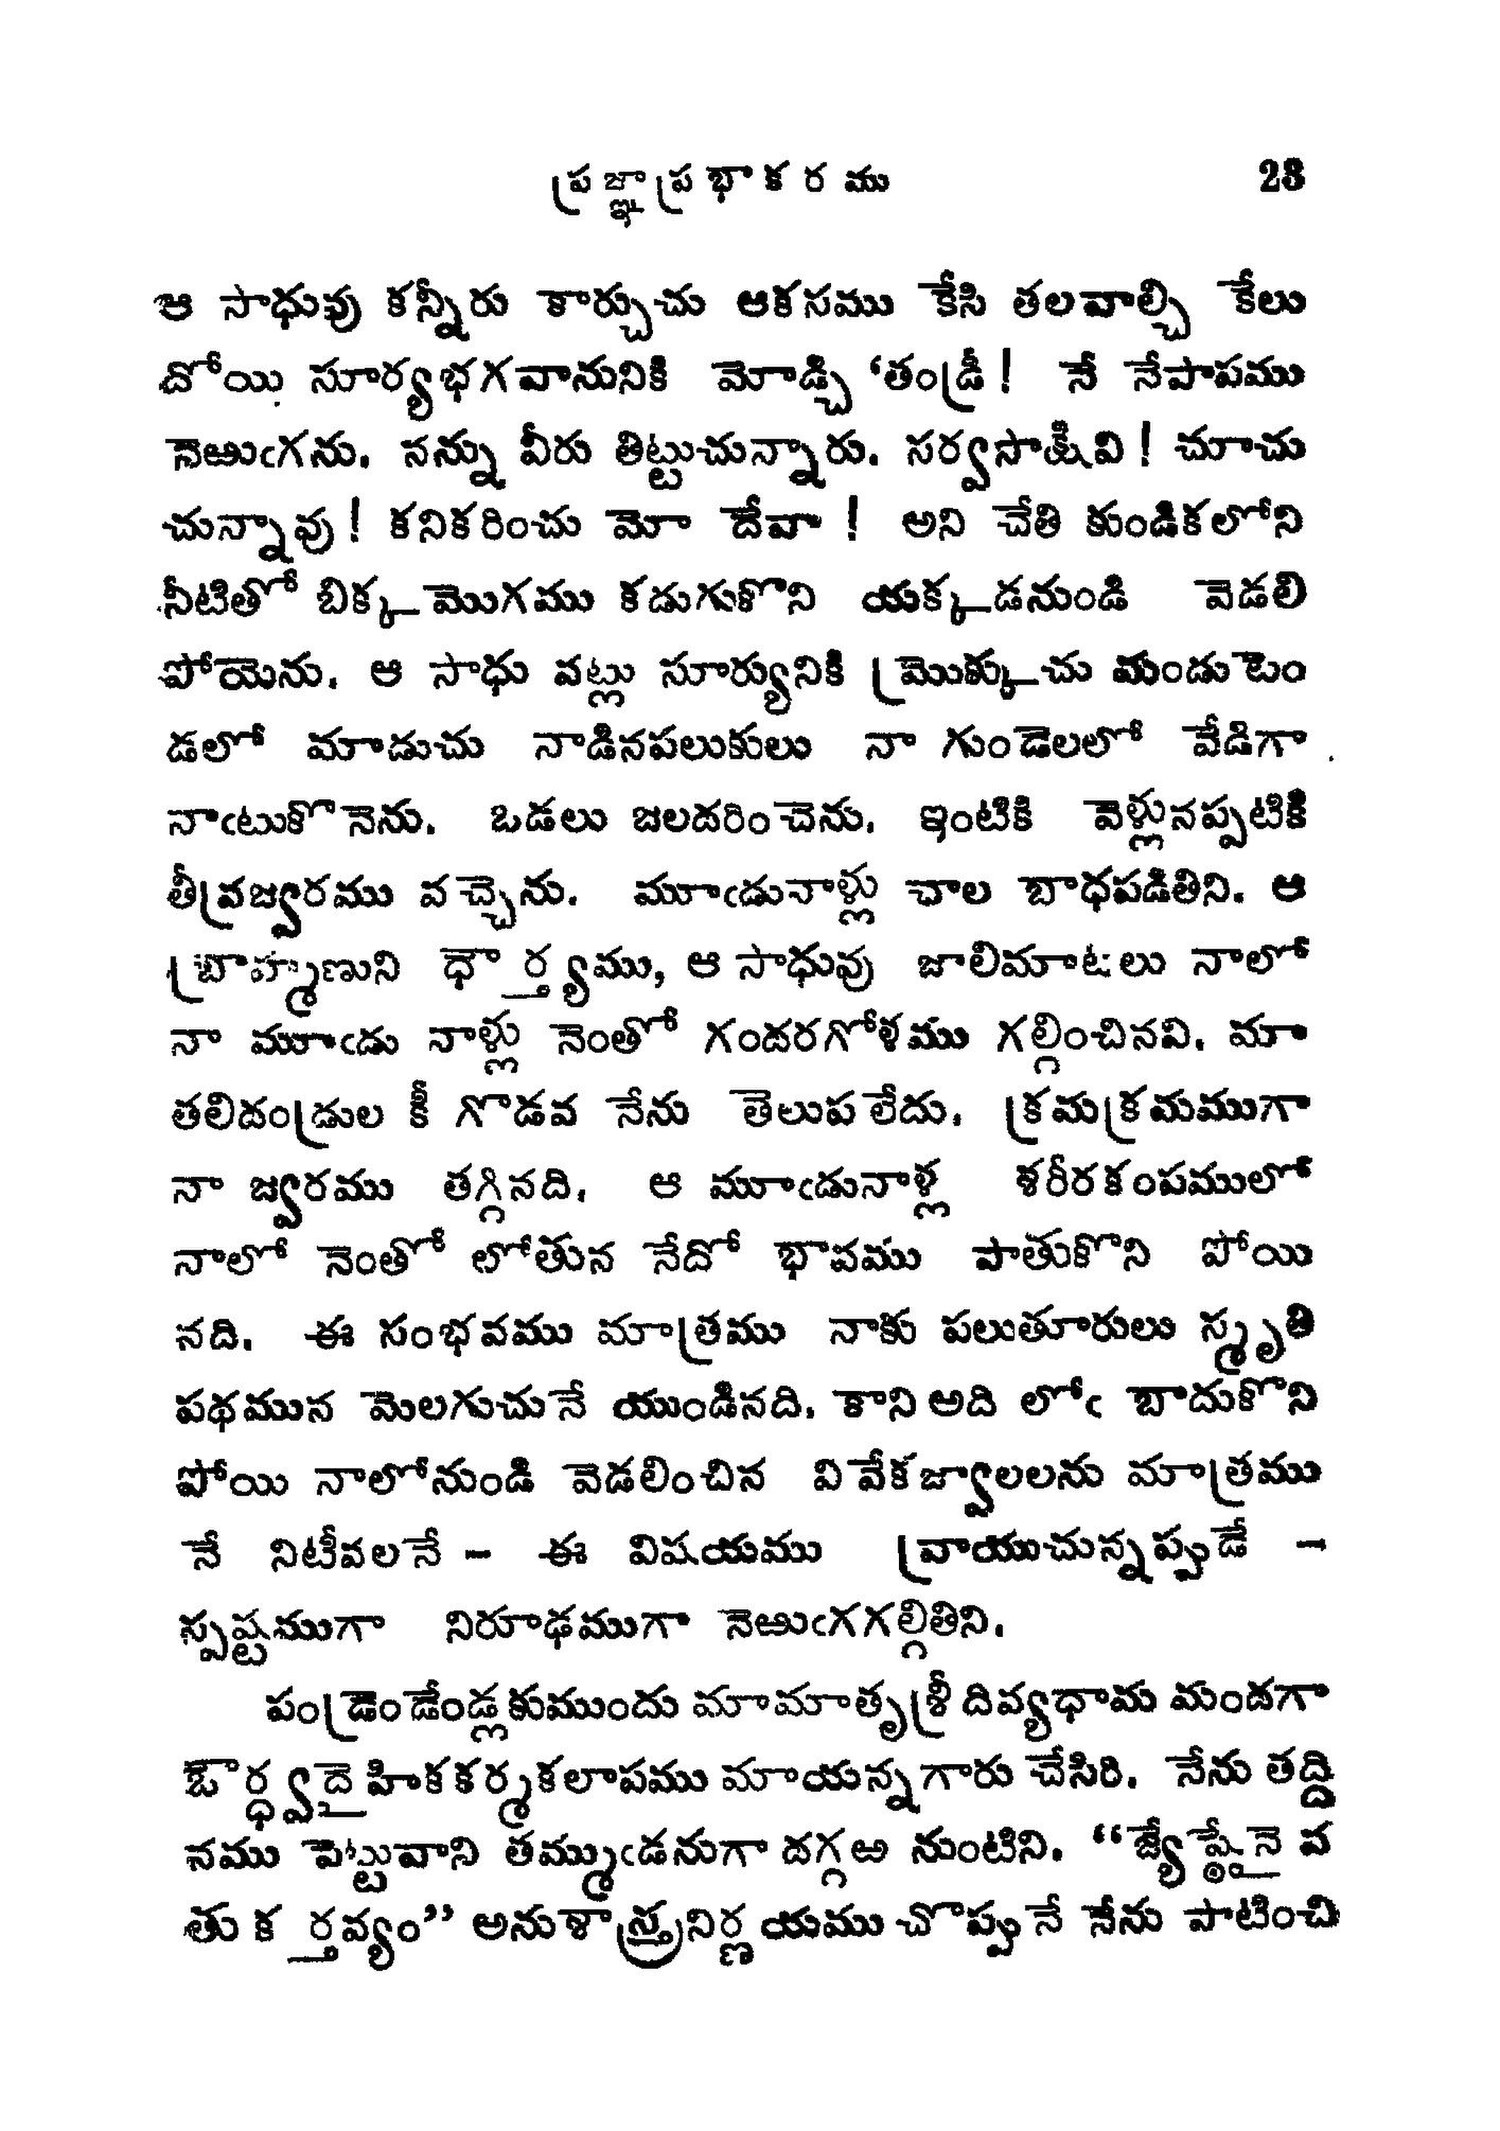ఆ సాధువు కన్నీరు కార్చుచు ఆకసముకేసిచూచి తలవాల్చి కేలుదోయి సుర్యభాగవనునికి మోడ్చి 'తండ్రీ!నేనేపాపమునెఱుఁగను. నన్ను వీరు తిట్టుచున్నారు. సర్వసాక్షివి! చూచుచున్నావు! కనికరించు మో దేవా! అని చేతి కుండిలోని నీటితో బిక్కమొగము కడుగుకొని యక్కడ నుండి వెడలిపోయెను. ఆ సాధు వట్లు సూర్యునికి మ్రొక్కుచు మండుటెండులో మాడుచు నాడినపలుకుకు నా గుండెలలో వేడిగా నాఁటుకొనెను. ఒడలు జలదరించెను. ఇంటికి వెళ్లునప్పటికీ తివ్రజ్వరమువచ్చెను. మూఁడు నాళ్ళు చాల బాధపడితిని. ఆ బ్రాహ్మణుని ధౌర్త్యము, ఆ సాధువు జాలిమాటలు నాలో నా మూఁడు నాళ్లు నెంతో గందర గోళము గల్గించినవి. మా తల్లిదండ్రుల కీ గొడవనేనుతెలుపలేదు. క్రమక్రమముగా నా జ్వరము తగ్గినది. ఆ మూఁడునాళ్ళ శరీరకంపములో నాలో నెంతో లోతున నేదో భావము పాతుకొని పోయినది. ఈ సంభవము మాత్రము నాకు పలుతూరులు స్మృతిపదమున మెలగుచునే యుండి నది. కానీ అది లోఁ బాదుకొనిపోయి నాలో నుండి వెడలించిన వివేకజ్వాలలను మాత్రము నే నిటీవలనే _ ఈ విషయము వ్రాయుచున్నప్పుడే- స్పష్టముగా నిరూఢముగా నెఱుఁగ గల్గితిని.
 
పండ్రెండేండ్లకు ముందు మా మాతృ శ్రీ దివ్యధామ మందగా ఔర్ధ్యదైహిక కర్మకలాపము మాయన్నగారుచేసిరి. నేనుతద్దినముపెట్టువానితమ్ముఁడనుగా దగ్గఱనుంటిని." జ్యేష్ఠనైవతుకర్తవ్యం" అను శాస్త్ర నిర్ణయము చొప్పునే నేను పాటించి